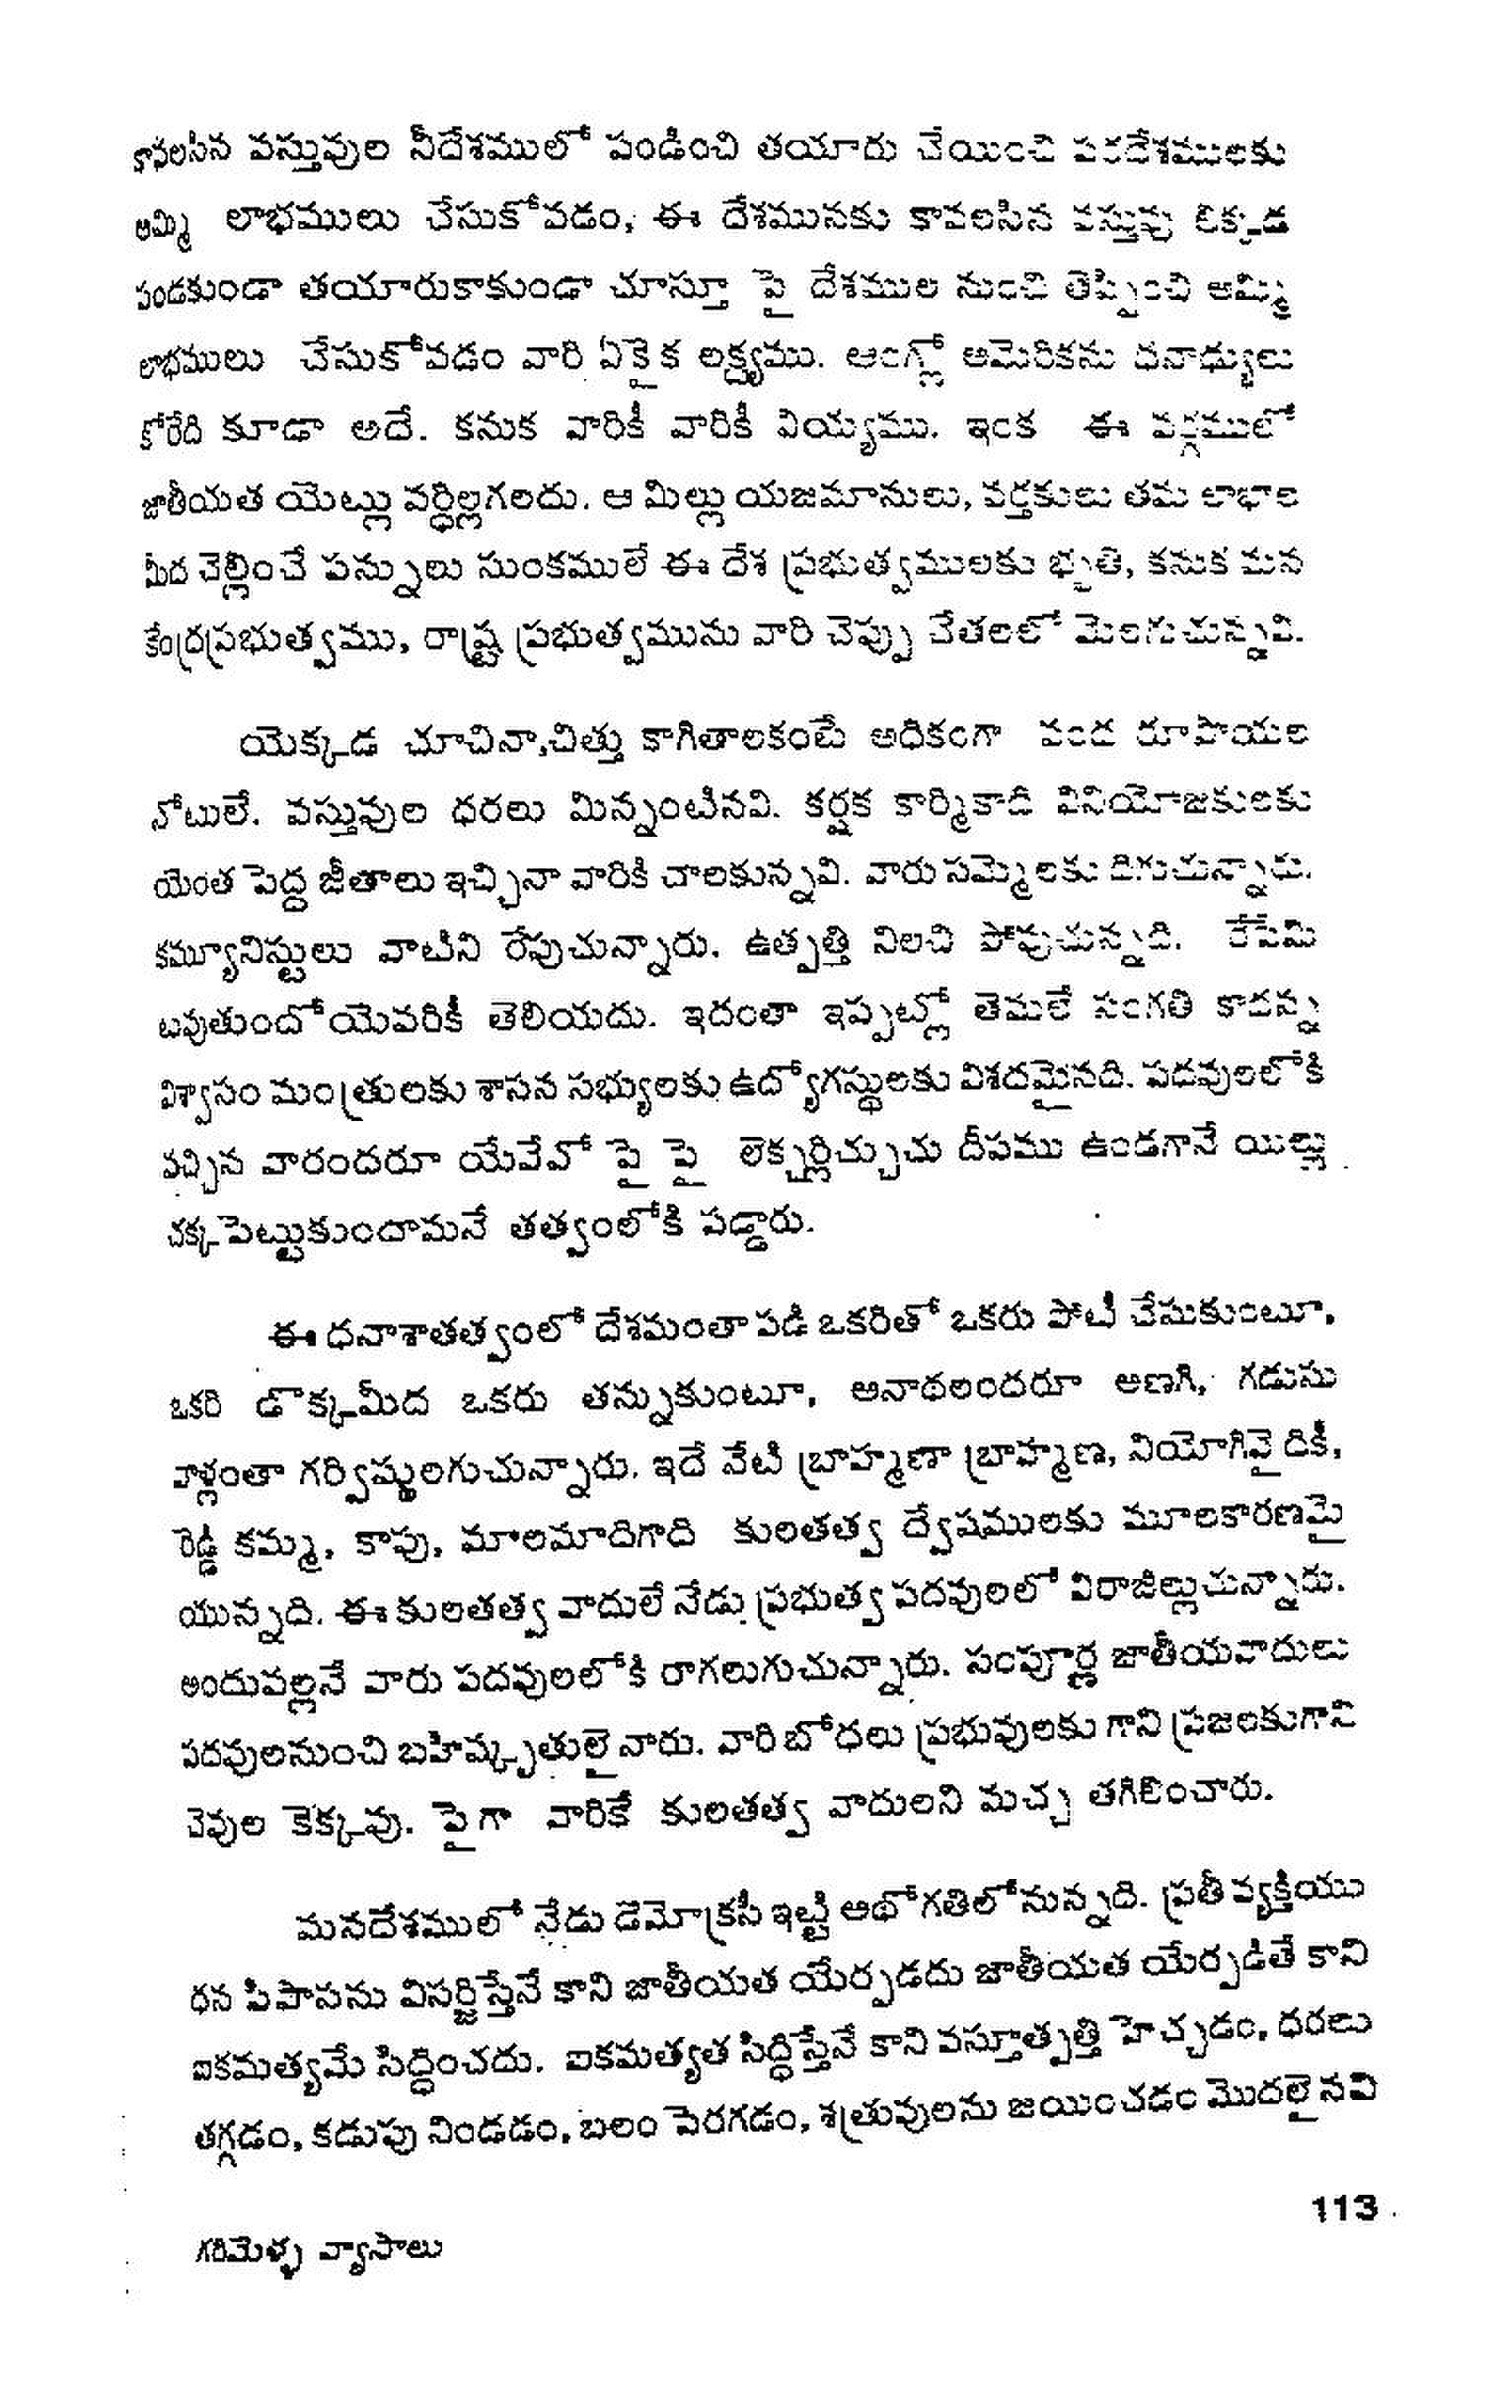కావలసిన వస్తువుల నీదేశములో పండించి తయారు చేయించి పరదేశములకు అమ్మి లాబములు చేసుకోవడం. ఈ దేశమునకు కావలసిన వస్తువు లిక్కడ పండకుండా తయారుకాకుండా చూస్తూ పై దేశముల నుంచి తెప్పించి అమ్మి లాభములు చేసుకోవడం వారి ఏకైక లక్ష్యము. ఆంగ్లో అమెరికను ధనాడ్యులు కోరేది కూడా అదే. కనుక వారికీ వారికీ వియ్యము. ఇంక ఈ వర్గములో జాతీయత యెట్లు వర్ధిల్లగలదు. ఆ మిల్లు యజమానులు, వర్తకులు తమ లాభాల మీద చెల్లించే పన్నులు సుంకములే ఈ దేశ ప్రభుత్వములకు భృతి, కనుక మన కేంద్రప్రభుత్వము, రాష్ట్ర ప్రభుత్వమును వారి చెప్పు చేతలలో మెలగుచున్నవి.

యెక్కడ చూచినా, చిత్తు కాగితాలకంటే అధికంగా వంద రూపాయల నోటులే. వస్తువుల ధరలు మిన్నంటినవి. కర్షక కార్మికాది వినియోజకులకు యెంత పెద్ద జీతాలు ఇచ్చినా వారికి చాలకున్నవి. వారు సమ్మెలకు దిగుచున్నారు. కమ్యూనిస్టులు వాటిని రేపుచున్నారు. ఉత్పత్తి నిలచి పోవుచున్నది. రేపేమి టవుతుందో యెవరికి తెలియదు. ఇదంతా ఇప్పట్లో తెమలే సంగతి కాదన్న విశ్వాసం మంత్రులకు శాసన సభ్యులకు ఉద్యోగస్థులకు విశదమైనది. పదవులలోకి వచ్చిన వారందరూ యేవేవో పై పై లెక్చర్లిచ్చుచు దీపము ఉండగానే యిల్లు చక్కపెట్టుకుందామనే తత్వంలోకి పడ్డారు.

ఈ ధనాశాతత్వంలో దేశమంతా పడి ఒకరితో ఒకరు పోటీ చేసుకుంటూ, ఒకరి డొక్కమీద ఒకరు తన్నుకుంటూ, అనాథలందరూ అణగి, గడుసు వాళ్లంత గర్విష్ఠులగుచున్నారు. ఇదే నేటి బ్రాహ్మణా బ్రాహ్మణ, నియోగివైదికి, రెడ్డి, కమ్మ, కాపు, మాలమాదిగాది కులతత్వ ద్వేషములకు మూలకారణమై యున్నది. ఈ కులతత్వ వాదులే నేడు ప్రభుత్వ పదవులలో విరాజిల్లుచున్నారు. అందువల్లనే వారు పదవులలోకి రాగలుగుచున్నారు. సంపూర్ణ జాతీయవాదులు పదవులనుంచి బహిష్కృతులైనారు. వారి బోధలు ప్రభువులకు గాని ప్రజలకుగాని చెవుల కెక్కవు. పైగా వారికే కులతత్వ వాదులని మచ్చ తగిలించారు.

మనదేశములో నేడు డెమాక్రసీ ఇట్టి అథోగతిలోనున్నది. ప్రతీవ్యక్తియు ధన పిపాసను విసర్జిస్తేనే కాని జాతీయత యేర్పడదు జాతీయత యేర్పడితేకాని ఐకమత్యమే సిద్ధించదు. ఐకమత్యత సిద్దిస్తేనే కాని వస్తూత్పత్తి హెచ్చడం, ధరలు తగ్గడం, కడుపు నిండడం, బలం పెరగడం, శత్రువులను జయించడం మొదలైనవి